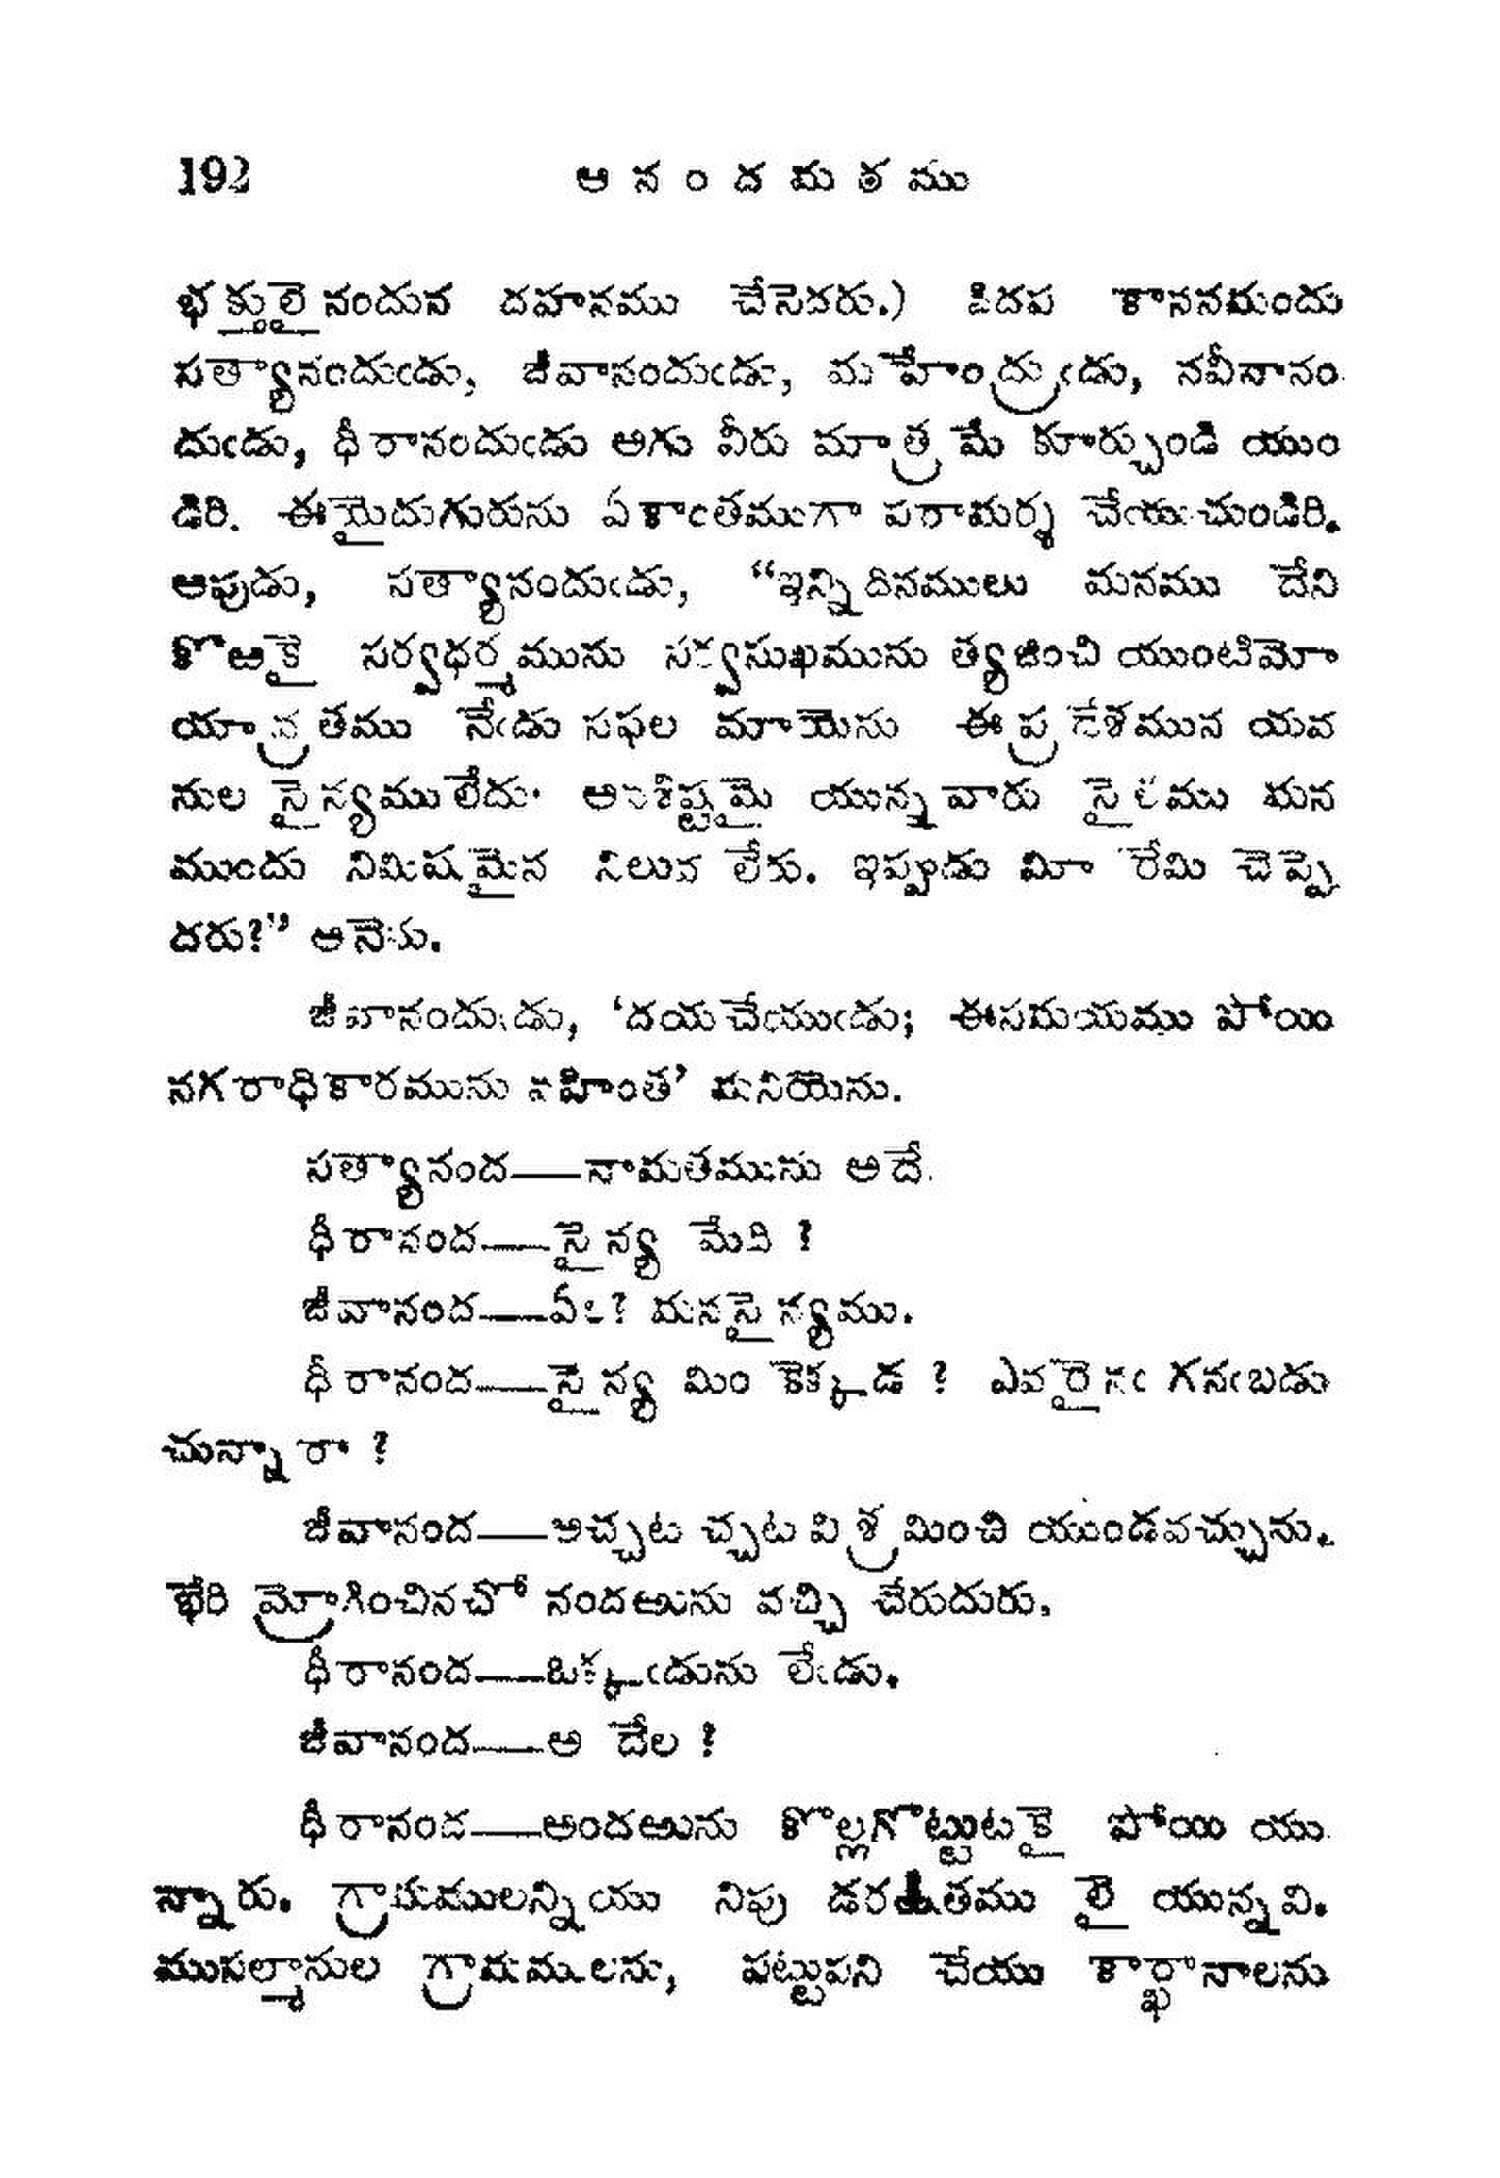భక్తులైనందున దహనము చేసెదరు.) పిదప కాననమందు సత్యానందుఁడు, జీవానందుఁడు, మహేంద్రుఁడు, నవీనానం
దుఁడు, ధీరానందుఁడు అగు వీరు మాత్రమే కూర్చుండి యుండిరి. ఈయైదుగురును ఏకాంతముగా పరామర్శ చేయుచుండిరి. అపుడు, సత్యానందుఁడు, “ఇన్ని దినములు మనము దేని కొఱకై సర్వధర్మమును సర్వసుఖమును త్యజించి యుంటిమో యావ్రతము నేడు సఫల మాయెను ఈ ప్రదేశమున యవనుల సైన్యము లేదు. అవశిష్టమై యున్నవారు సైతము మన ముందు నిమిషమైన నిలువ లేరు. ఇప్పుడు మీ రేమి చెప్పిదరు?" అనెను.

జీమానందుఁడు, 'దయ చేయుఁడు; ఈసమయము పోయి నగరాధికారమును వహింత' మనియెను.

సత్యానంద—— నామతమును అదే.

ధీరానంద——సైన్య మేది ?

జీవానంద——ఏల! మన సైన్యము.

ధీరానంద——సైన్య మిం కెక్కడ ? ఎవరైనఁ గనఁబడు చున్నారా ?

జీవానంద——అచ్చటచ్చట విశ్రమించి యుండవచ్చును. భేరి మ్రోగించినచో నందఱును వచ్చి చేరుదురు.

ధీరానంద——ఒక్కఁడును లేఁడు,

జీవానంద——అ దేల ?

ధీరానంద——అందఱును కొల్లగొట్టుటకై పోయి యున్నారు. గ్రామములన్నియు నిపు డరక్షితము లై యున్నవి. ముసల్మానుల గ్రామములను, పట్టుపని చేయు కార్ఖానాలను